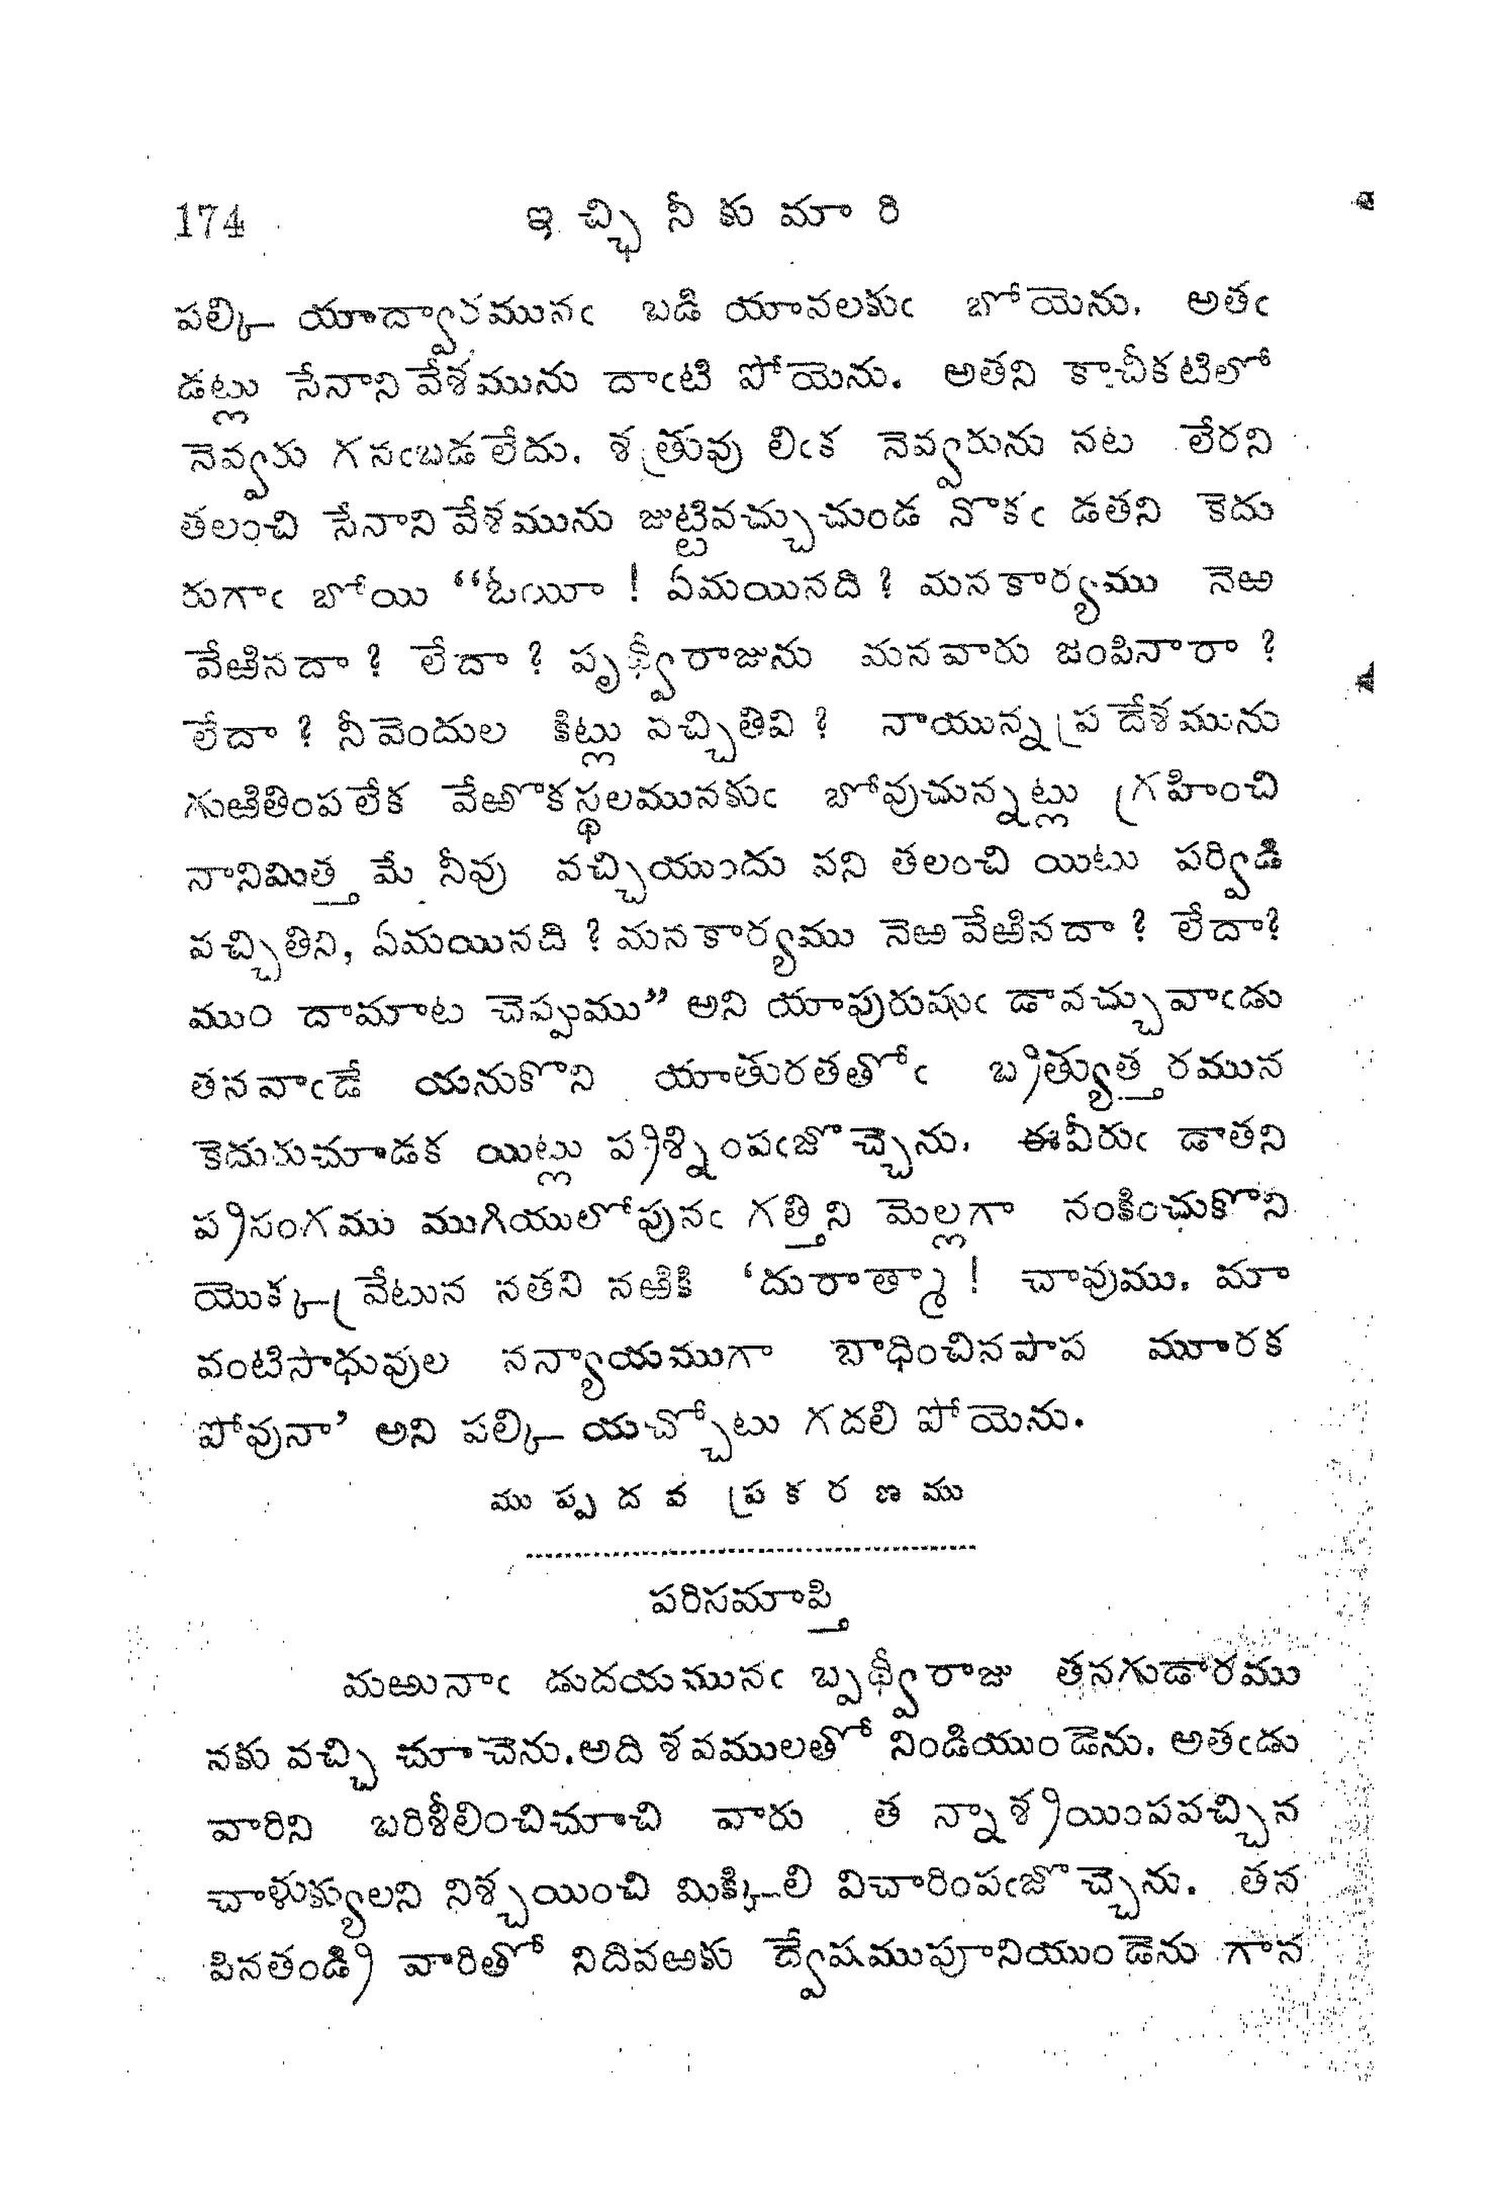పల్కి యాద్వారమునఁ బడి యావలకుఁ బోయెను. అతఁ
డటు సేనాని వేశమును దాఁటి పోయెను. అతని కాచీకటిలో
నెవ్వరు గనఁబడ లేదు. శత్రువు లిక నెవ్వరును నట లేరని -
తలంచి సేనాని వేశమును జుట్టివచ్చుచుండ నొకఁ డతని కెదు
రుగాఁ బోయి ఓబూ ! ఏమయినది ? మన కార్యము నెర
వేరినదా ? లేదా ? పృద్వీరాజును మన వారు జంపినారా ?
లేదా ? నీ వెందుల కిట్లు నచ్చితివి ! నాయున్న ప్రదేశమును
గుఱుతింప లేక వేఱొక స్థలమునకుఁ బోవుచున్నట్లు గ్రహించి
నానిమిత్త మే నీవు వచ్చియుందు వని తలంచి యిటు పర్విడి
వచ్చి తిని, ఏమయినది ? మన కార్యము నెఱ వేఱిన దా ? లేదా?
ముందామాట చెప్పుము” అని యాపురుషుఁ డావచ్చువాఁడు
తనవాడే యనుకొని యాతురతతోఁ బ్రత్యుత్తరమున
కెదురు చూడక యిట్లు ప్రశ్నింపజొచ్చెను. ఈవీరుఁ డాతని
ప్రసంగము ముగియులోపునఁ గత్తిని మెల్లగా నంకించుకొని
యొక్క వేటున నతని నఱికి 'దురా త్మా ! చావుము. మా
వంటి సాధువుల నన్యాయముగా బాధించిన పాపమూరక
పోవునా' అని పల్కి యచ్చోటు గదలి పో యెను.

మరు నాఁ డుదయమునఁ బృథ్వీరా
రాజు తనగుడారము
నకు వచ్చి చూచెను.అది శవములతో నిండియుండెను. అతఁడు
వారిని బరిశీలించి చూచి వారు త న్నాశ్రయింపవచ్చిన
చాళుక్యులని నిశ్చయించి మిక్కిలి విచారింపఁ జొచ్చెను. తన
పినతండ్రి వారితో నిదివఱకు ద్వేషముపూనియుం డెను గాన